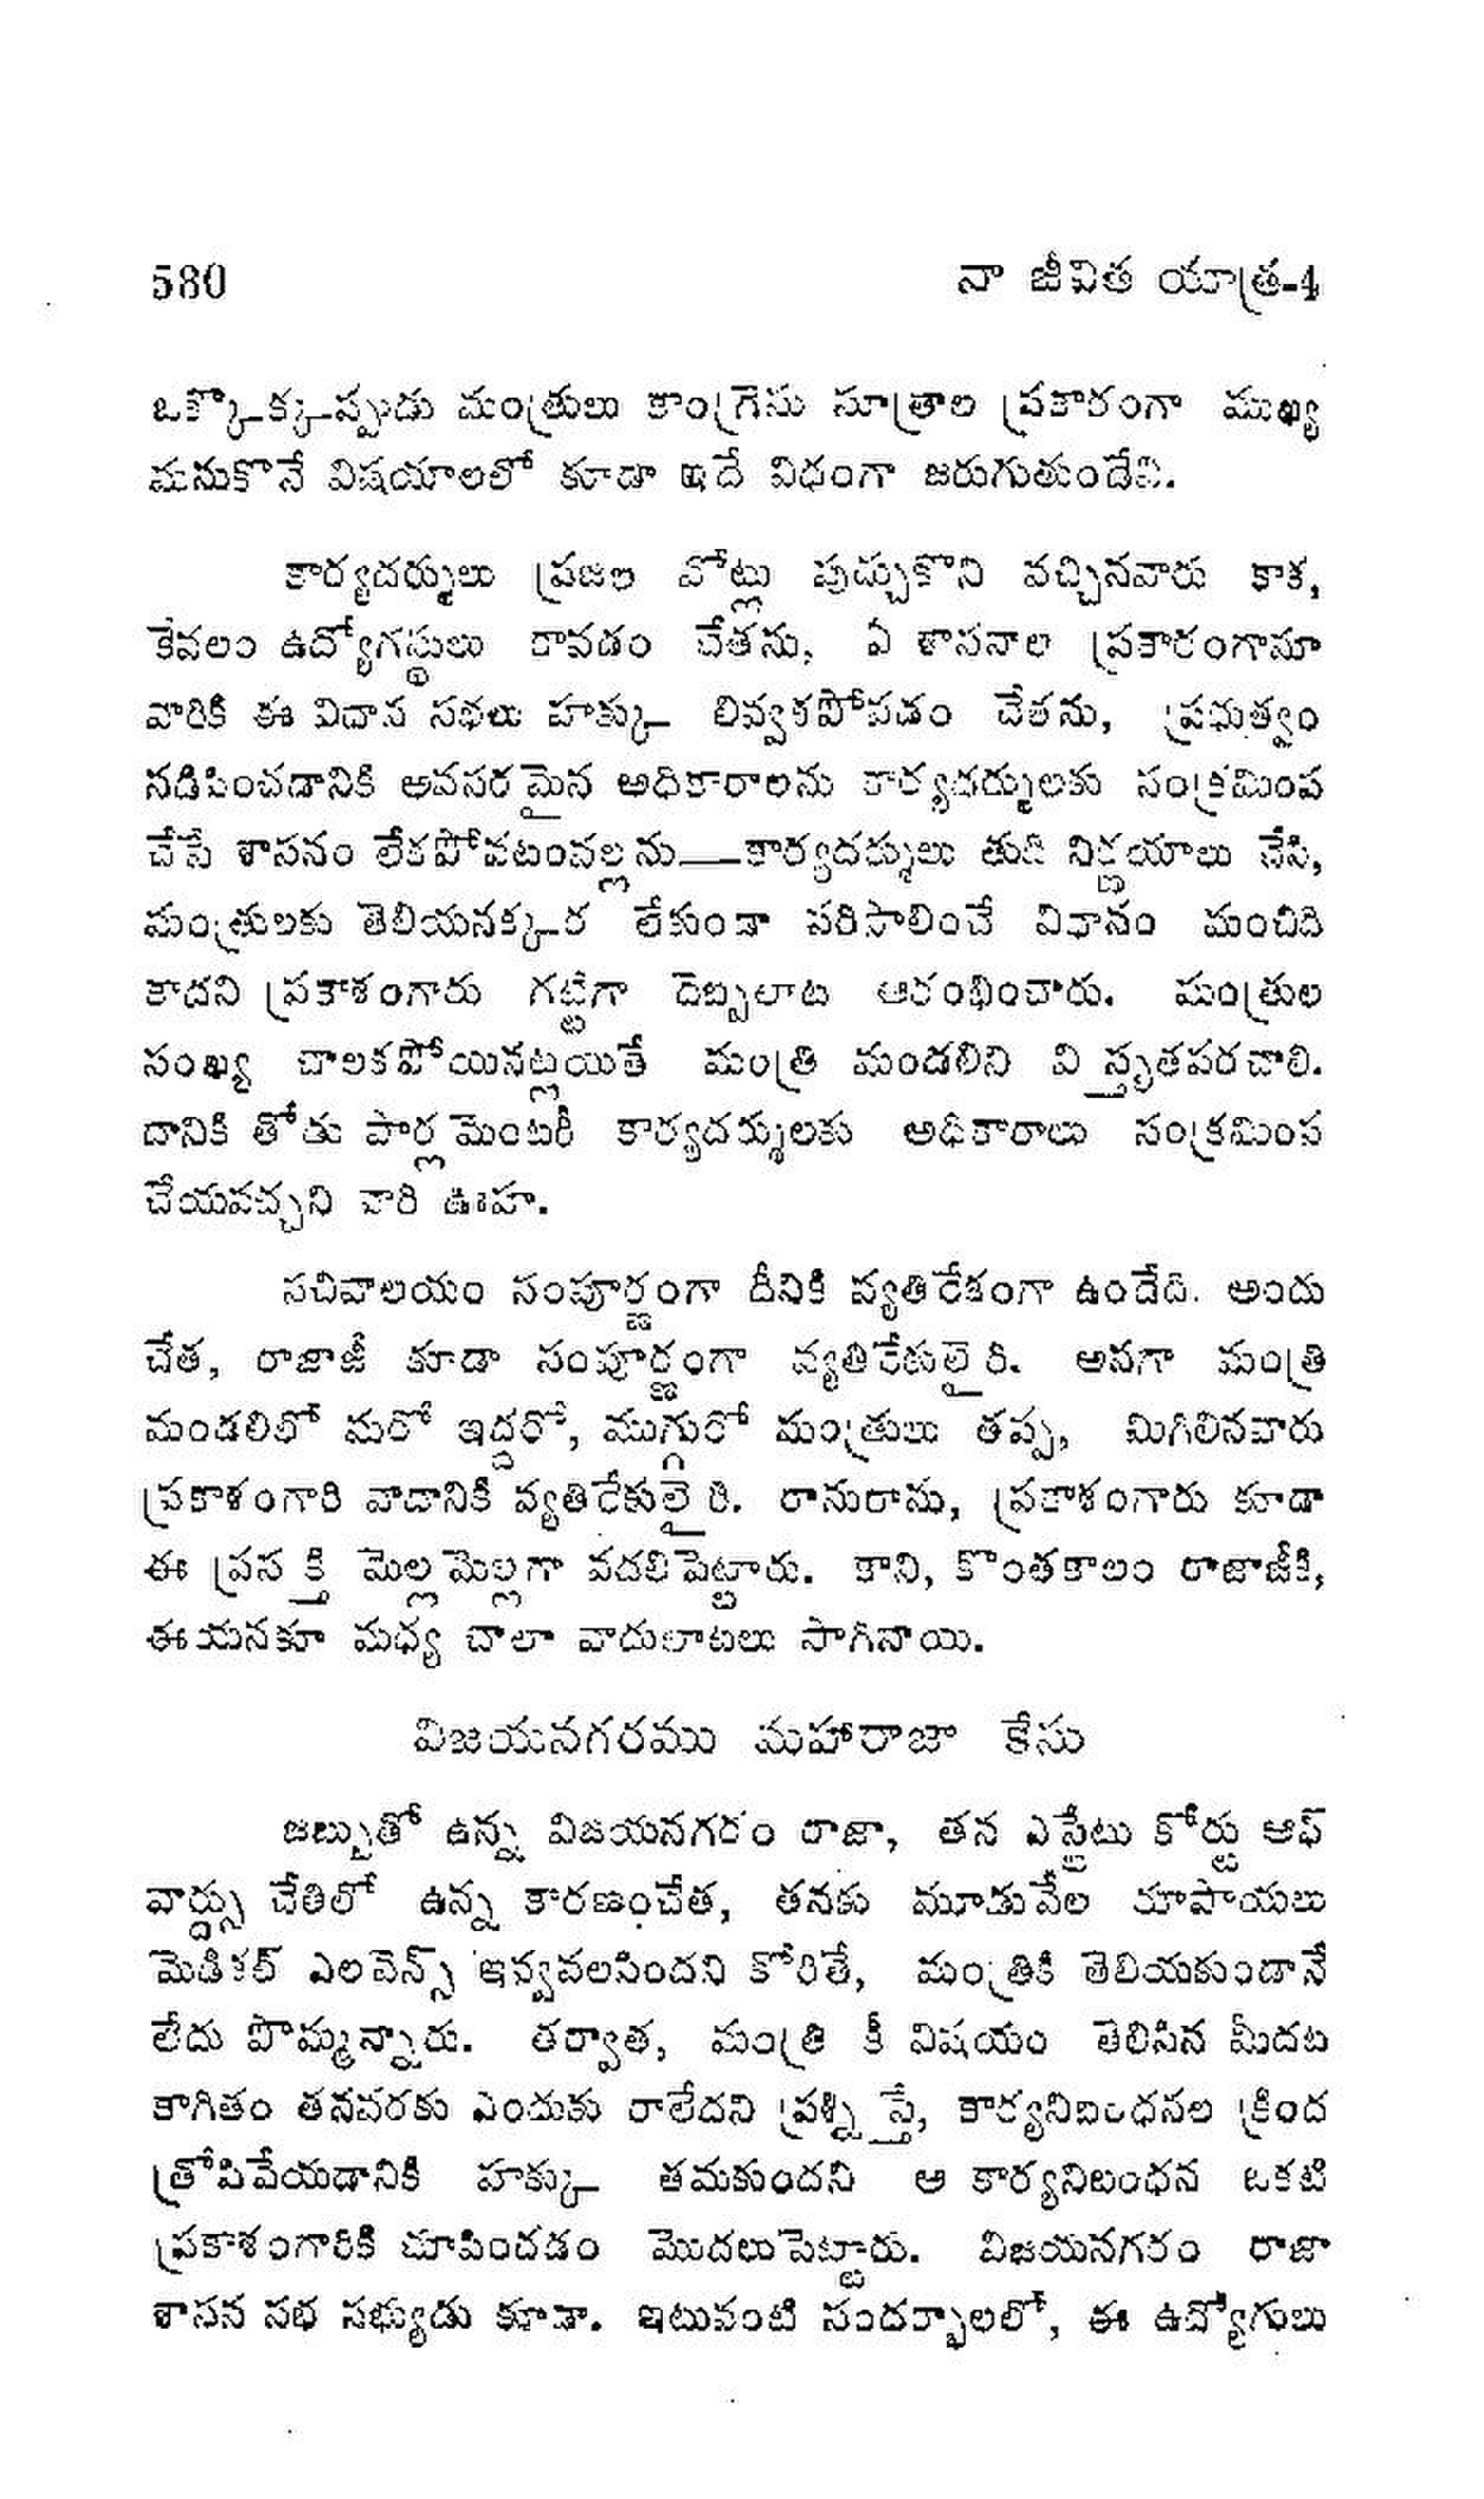ఒక్కొక్కప్పుడు మంత్రులు కాంగ్రెసు సూత్రాల ప్రకారంగా ముఖ్యమనుకొనే విషయాలలో కూడా ఇదే విధంగా జరుగుతుండేవి.

కార్యదర్శులు ప్రజల వోట్లు పుచ్చుకొని వచ్చినవారు కాక, కేవలం ఉద్యోగస్థులు కావడం చేతను, ఏ శాసనాల ప్రకారంగానూ వారికి ఈ విధాన సభలు హక్కు లివ్వకపోవడం చేతను, ప్రభుత్వం నడిపించడానికి అవసరమైన అధికారాలను కార్యదర్శులకు సంక్రమింప చేసే శాసనం లేకపోవటంవల్లను - కార్యదర్శులు తుది నిర్ణయాలు చేసి, మంత్రులకు తెలియనక్కర లేకుండా పరిపాలించే విధానం మంచిది కాదని ప్రకాశంగారు గట్టిగ దెబ్బలాట ఆరంభించారు. మంత్రుల సంఖ్య చాలకపోయినట్లయితే మంత్రి మండలిని విస్తృతపరచాలి. దానికి తోడు పార్లమెంటరీ కార్యదర్శులకు అధికారాలు సంక్రమింప చేయవచ్చని వారి ఊహ.

సచివాలయం సంపూర్ణంగా దీనికి వ్యతిరేకంగా ఉండేది. అందుచేత, రాజాజీ కూడా సంపూర్ణంగా వ్యతిరేకులైరి. అనగా మంత్రి మండలిలో మరో ఇద్దరో, ముగ్గురో మంత్రులు తప్ప, మిగిలినవారు ప్రకాశంగారి వాదానికి వ్యతిరేకులైరి. రానురాను, ప్రకాశంగారు కూడా ఈ ప్రసక్తి మెల్లమెల్లగా వదలిపెట్టారు. కాని, కొంతకాలం రాజాజీకి, ఈయనకూ మధ్య చాలా వాదులాటలు సాగినాయి.

జబ్బుతో ఉన్న విజయనగరం రాజా, తన ఎస్టేటు కోర్టు ఆఫ్ వార్డ్సు చేతిలో ఉన్న కారణంచేత, తనకు మూడువేల రూపాయలు మెడికల్ ఎలవెన్స్ ఇవ్వవలసిందని కోరితే, మంత్రికి తెలియకుండానే లేదు పొమ్మన్నారు. తర్వాత, మంత్రి కీ విషయం తెలిసిన మీదట కాగితం తనవరకు ఎందుకు రాలేదని ప్రశ్నిస్తే, కార్యనిబంధనల క్రింద త్రోసివేయడానికి హక్కు తమకుందని ఆ కార్యనింబంధన ఒకటి ప్రకాశంగారికి చూపించడం మొదలు పెట్టారు. విజయనగరం రాజా శాసన సభ సభ్యుడు కూడా. ఇటువంటి సందర్భాలలో, ఈ ఉద్యోగులు